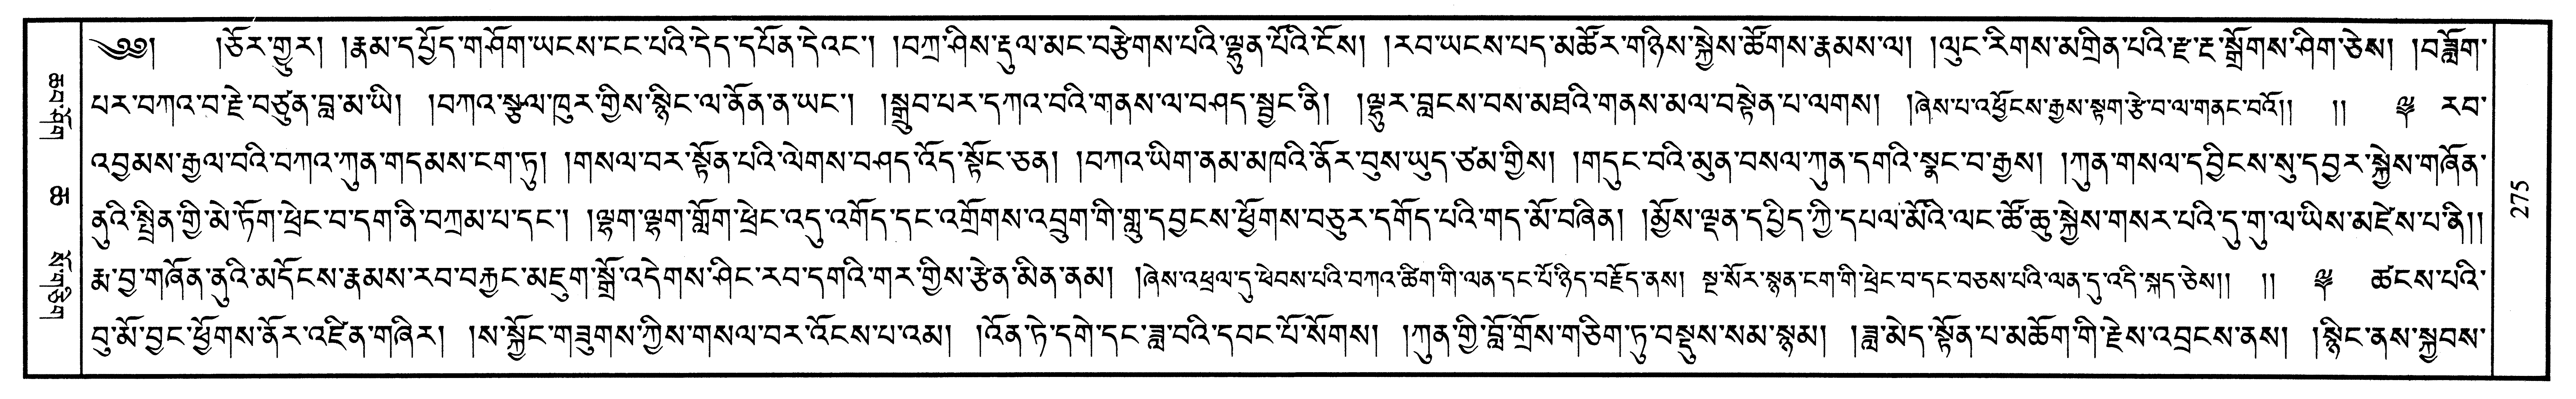༄༅། །ཅོར་གྱུར། །རྣམ་དཔྱོད་གཤོག་ཡངས་ངང་པའི་དེད་དཔོན་དེའང་། །བཀྲ་ཤིས་རྡུལ་མང་བརྩེགས་པའི་ལྷུན་པོའི་ངོས། །རབ་ཡངས་པད་མཚོར་གཉིས་སྐྱེས་ཚོགས་རྣམས་ལ། །ལུང་རིགས་མགྲིན་པའི་རྫ་རྔ་སྒྲོགས་ཤིག་ཅེས། །བཟློག་
པར་བཀའ་བ་རྗེ་བཙུན་བླ་མ་ཡི། །བཀའ་སྩལ་ཁུར་གྱིས་སྙིང་ལ་ནོན་ན་ཡང་། །སྒྲུབ་པར་དཀའ་བའི་གནས་ལ་བཤད་སྦྱང་ནི། །ལྷུར་བླངས་བས་མཐའི་གནས་མལ་བསྟེན་པ་ལགས། །ཞེས་པ་འཕྱོངས་རྒྱས་སྟག་རྩེ་བ་ལ་གནང་བའོ།། །། ༈ རབ་
འབྱམས་རྒྱལ་བའི་བཀའ་ཀུན་གདམས་ངག་ཏུ། །གསལ་བར་སྟོན་པའི་ལེགས་བཤད་འོད་སྟོང་ཅན། །བཀའ་ཡིག་ནམ་མཁའི་ནོར་བུས་ཡུད་ཙམ་གྱིས། །གདུང་བའི་མུན་བསལ་ཀུན་དགའི་སྣང་བ་རྒྱས། །ཀུན་གསལ་དབྱིངས་སུ་དབྱར་སྐྱེས་གཞོན་
ནུའི་སྤྲིན་གྱི་མེ་ཏོག་ཕྲེང་བ་དག་ནི་བཀྲམ་པ་དང་། །ལྷག་ལྷག་གློག་ཕྲེང་འདུ་འགོད་དང་འགྲོགས་འབྲུག་གི་གླུ་དབྱངས་ཕྱོགས་བཅུར་དགོད་པའི་གད་མོ་བཞིན། །མྱོས་ལྡན་དཔྱིད་ཀྱི་དཔལ་མོའི་ལང་ཚོ་ཆུ་སྐྱེས་གསར་པའི་དུ་གུ་ལ་ཡིས་མཛེས་པ་ནི།།
རྨ་བྱ་གཞོན་ནུའི་མདོངས་རྣམས་རབ་བརྐྱང་མཇུག་སྒྲོ་འདེགས་ཤིང་རབ་དགའི་གར་གྱིས་རྩེན་མིན་ནམ། །ཞེས་འཕྲལ་དུ་ཕེབས་པའི་བཀའ་ཚིག་གི་ལན་དང་པོ་ཉིད་བརྗོད་ནས། སྔ་སོར་སྙན་ངག་གི་ཕྲེང་བ་དང་བཅས་པའི་ལན་དུ་འདི་སྐད་ཅེས།། །། ༈ ཚངས་པའི་
བུ་མོ་བྱང་ཕྱོགས་ནོར་འཛིན་གཞིར། །ས་སྐྱོང་གཟུགས་ཀྱིས་གསལ་བར་འོངས་པ་འམ། །འོན་ཏེ་དགེ་དང་ཟླ་བའི་དབང་པོ་སོགས། །ཀུན་གྱི་བློ་གྲོས་གཅིག་ཏུ་བསྡུས་སམ་སྙམ། །ཟླ་མེད་སྟོན་པ་མཆོག་གི་རྗེས་འབྲངས་ནས། །སྙིང་ནས་སྐྱབས་